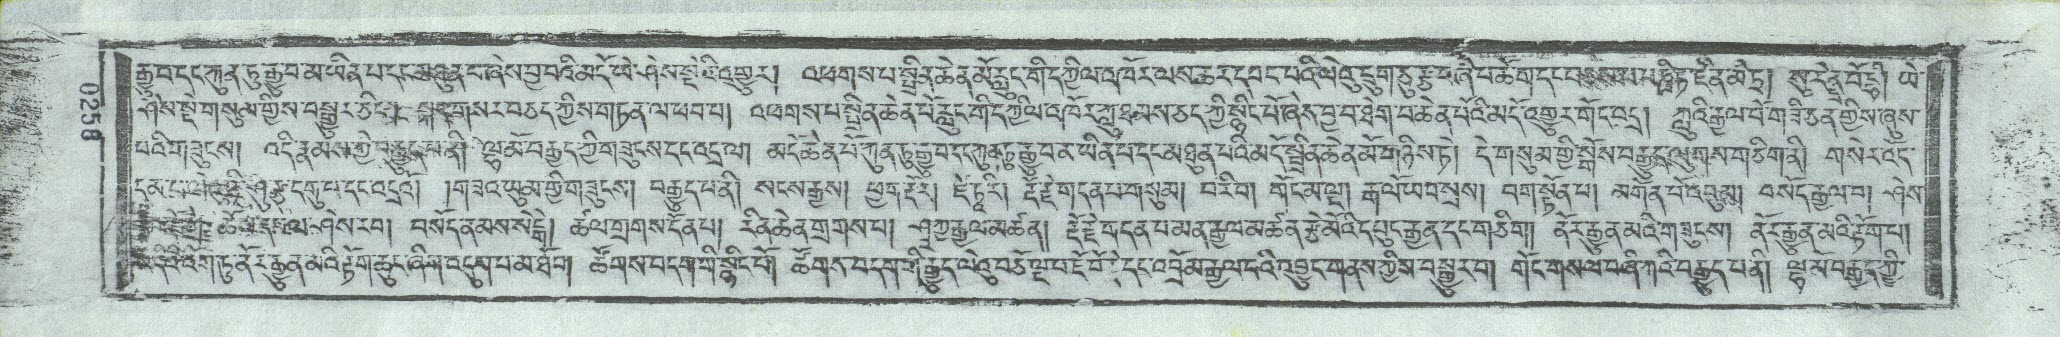རྒྱུ་བ་དང་ཀུན་ཏུ་རྒྱུ་བ་མ་ཡིན་པ་དང་མཐུན་པ་ཞེས་བྱ་བའི་མདོ་ཡེ་ཤེས་སྡེའི་འགྱུར། འཕགས་པ་སྤྲིན་ཆེན་མོ་རླུང་གི་དཀྱིལ་འཁོར་ལས་ཆར་དབང་པའི་ལེའུ་དྲུག་ཅུ་རྩ་བཞི་པ་ཆོག་དང་བཅས་པ་པཎྜི་ཏ་ཛི་ན་མི་ཏྲ། སུ་རེནྡྲ་བོ་དྷི། ཡེ་
ཤེས་སྡེ་གསུམ་གྱིས་བསྒྱུར་ཅིང་། སྐད་གསར་བཅད་ཀྱིས་གཏན་ལ་ཕབ་པ། འཕགས་པ་སྤྲིན་ཆེན་པོ་རླུང་གི་དཀྱིལ་འཁོར་ཀླུ་ཐམས་ཅད་ཀྱི་སྙིང་པོ་ཞེས་བྱ་བ་ཐེག་པ་ཆེན་པོའི་མདོ་འགྱུར་གོང་འདྲ། ཀླུའི་རྒྱལ་པོ་གཟི་ཅན་གྱིས་ཞུས་
པའི་གཟུངས། འདི་རྣམས་ཀྱི་བརྒྱུད་པ་ནི། ལྷ་མོ་བརྒྱད་ཀྱི་གཟུངས་དང་འདྲ་ལ། མདོ་ཆེན་པོ་ཀུན་ཏུ་རྒྱུ་བ་དང་ཀུན་ཏུ་རྒྱུ་བ་མ་ཡིན་པའི་དང་མཐུན་པའི་མདོ་སྦྲིན་ཆེན་མོ་གཉིས་ཏེ། དེ་གསུམ་གྱིས་སོགས་བརྒྱུད་ལུགས་གཅིག་ནི། གསེར་འོད་
དམ་པ་ལེའུ་ཉི་ཤུ་རྩ་དགུ་པ་དང་འདྲའོ། །གཟའ་ཡུམ་གྱི་གཟུངས། བརྒྱུད་པ་ནི། སངས་རྒྱས། ཕྱག་རྡོར། ཛེ་ཏཱ་རི། རྡོ་རྗེ་གདན་པ་གསུམ། བ་རི་བ། གོང་མ་ལྔ། རྒ་ལོ་ཡབ་སྲས། བག་སྟོན་པ། མགོན་པོ་འབུམ། བསོད་རྒྱལ་བ། ཤེས་
བ་རྡོ་རྗེ། ཆོས་དཔལ་ཤེས་རབ། བསོད་ནམས་སེངྒེ། ཚལ་གྲགས་དོན་པ། རིན་ཆེན་གྲགས་པ། ཤཱཀྱ་རྒྱལ་མཚན། རྡོ་རྗེ་གདན་པ་མན་རྒྱལ་མཚན་རྩེ་མོའི་དཔུང་རྒྱན་དང་གཅིག། ནོར་རྒྱུན་མའི་གཟུངས། ནོར་རྒྱུན་མའི་རྟོག་པ།
འདིའི་འོག་ཏུ་ནོར་རྒྱུན་མའི་རྟོག་ཆུང་ཞིག་འདུད་པ་མ་ཐོབ། ཚོགས་བདག་གི་སྙིང་པོ། ཚོགས་བདག་གི་རྒྱུད་ལེའུ་བཅོ་ལྔ་བ་ཇོ་བོ་རྗེ་དང་འབྲོམ་རྒྱལ་བའི་འབྱུང་གནས་ཀྱིས་བསྒྱུར་བ། གོང་གསལ་བཞི་ཀའི་བརྒྱུད་པ་ནི། ལྷ་མོ་བརྒྱད་ཀྱི་